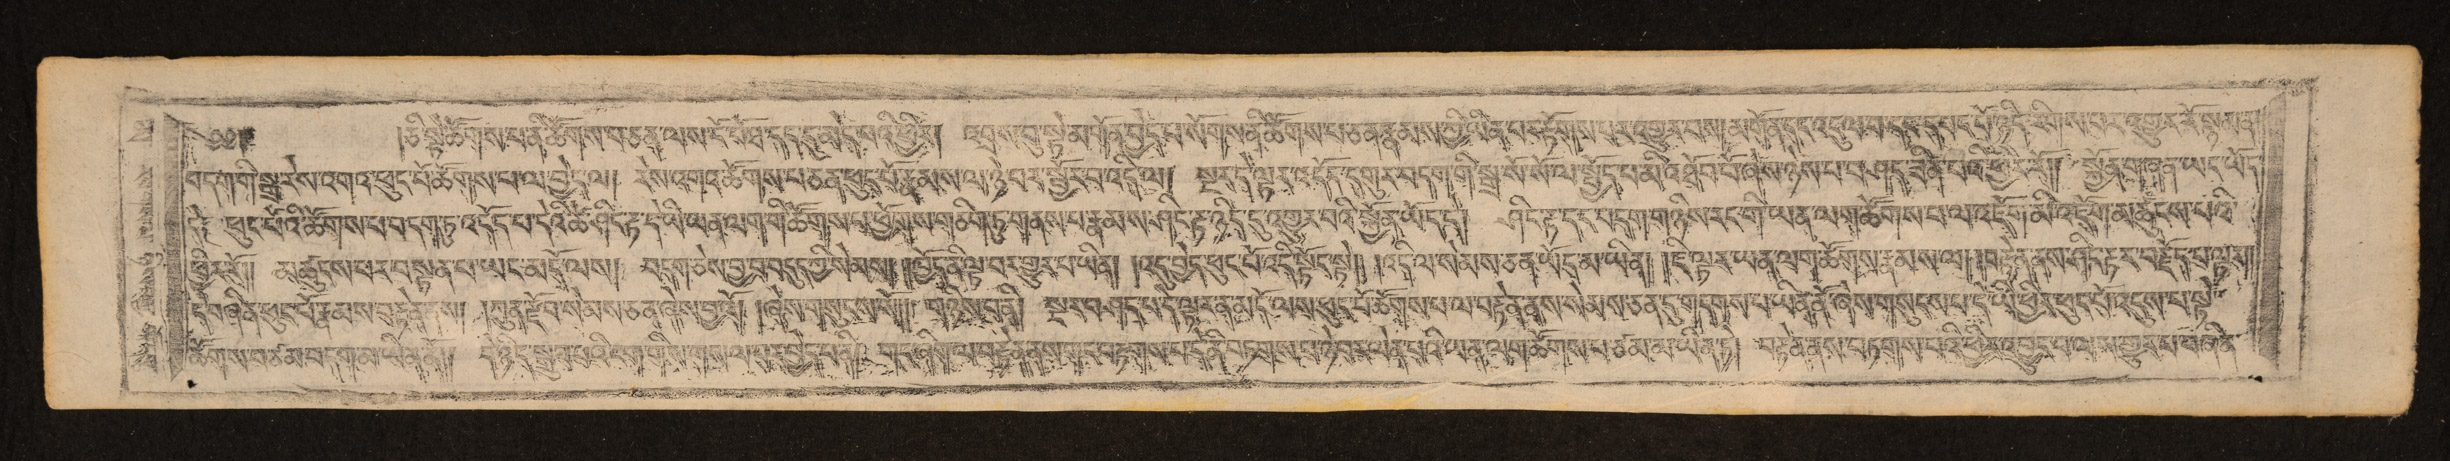༄༅། །ཅི་སྟེ་ཚོགས་པ་ནི་ཚོགས་པ་ཅན་ལས་ངོ་བོ་ཐ་དད་དུ་མེད་པའི་ཕྱིར། འབྲས་བུ་སྟེ་མགོན་བྱེད་པ་སོགས་ནི་ཚོགས་པ་ཅན་རྣམས་ཀྱི་ཡིན་པར་རྟོགས་པར་འགྱུར་བས། མགོན་དང་འདུལ་བ་དང་དབང་པོ་ཉིད་རིགས་པར་འགྱུར་རོ་སྙམ་ན།
བདག་གི་སྒྲ་རེས་འགའ་ཕུང་པོ་ཚོགས་པ་ལ་བྱེད་ལ། རེས་འགའ་ཚོགས་པ་ཅན་ཕུང་པོ་རྣམས་ལ་ཉེ་བར་སྦྱོར་བ་འདི་ལ། སྔར་དེ་ལྟར་འདོད་དགུར་བདག་གི་སྒྲ་སོ་སོ་ལ་སྦྱོར་བ་མི་འཐོབ་བོ་ཞེས་ཉེས་པ་བཤད་ཟིན་པའི་ཕྱིར་རོ།། སྐྱོན་གཞན་ཡང་ཡོད་
དེ༑ ཕུང་པོའི་ཚོགས་པ་བདག་ཏུ་འདོད་པ་དེའི་ཚེ་ཤིང་རྟ་དེ་ཡི་ཡན་ལག་གི་ཚོགས་པ་ཕྱོགས་གཅིག་ཏུ་གནས་པ་རྣམས་ཤིང་རྟ་ཉིད་དུ་འགྱུར་བའི་སྐྱོན་ཡོད་དེ། ཤིང་རྟ་དང་བདག་གཉིས་རང་གི་ཡན་ལག་ཚོགས་པ་ལ་འཇོག་མི་འཇོག་མཚུངས་པའི་
ཕྱིར་རོ།། མཚུངས་པར་བསྟན་པ་ཡང་མདོ་ལས། བདག་ཅེས་བྱ་བ་བདུད་ཀྱི་སེམས། །ཁྱོད་ནི་ལྟ་བར་གྱུར་པ་ཡིན། །འདུ་བྱེད་ཕུང་པོ་འདི་སྟོང་སྟེ། །འདི་ལ་སེམས་ཅན་ཡོད་མ་ཡིན། །ཇི་ལྟར་ཡན་ལག་ཚོགས་རྣམས་ལ། །བརྟེན་ནས་ཤིང་རྟར་བརྗོད་པ་ལྟར།།
དེ་བཞིན་ཕུང་པོ་རྣམས་བརྟེན་ནས། །ཀུན་རྫོབ་སེམས་ཅན་ཞེས་བྱའོ། །ཞེས་གསུངས་སོ།། གཉིས་པ་ནི། སྔར་བཤད་པ་དེ་ལྟར་ན་མདོ་ལས་ཕུང་པོ་ཚོགས་པ་ལ་བརྟེན་ནས་སེམས་ཅན་དུ་གདགས་པ་ཡིན་ནོ་ཞེས་གསུངས་པ་དེ་ཡི་ཕྱིར་ཕུང་པོ་འདུས་པ་སྟེ་
ཚོགས་པ་ཙམ་བདག་མ་ཡིན་ནོ།། དེ་ཉིད་སྒྲུབ་པའི་ངག་གིས་གསལ་བར་བྱེད་པ་ནི། གང་ཞིག་ལ་བརྟེན་ནས་གང་བརྟགས་པ་དེ་ནི་བཏགས་པ་ཉེ་བར་ལེན་པའི་ཡན་ལག་ཚོགས་པ་ཙམ་མ་ཡིན་ཏེ། བརྟེན་ནས་བཏགས་པའི་ཕྱིར་འབྱུང་བ་ལས་གྱུར་པ་བཞིན་